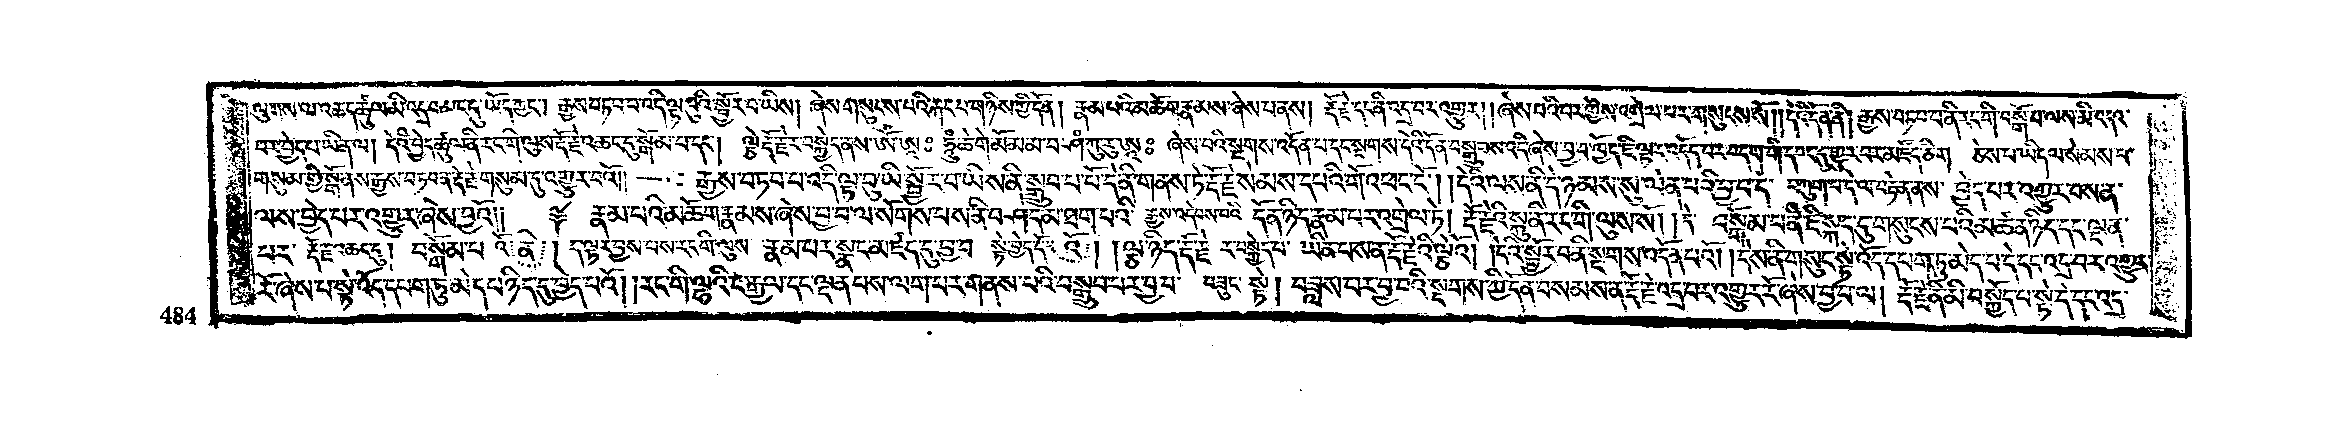ལུགས་ལ་འཆད་ཚུལ་མི་འདྲ་བ་མང་དུ་ཡོད་ཀྱང་། རྒྱས་བཏབ་པ་འདི་ལྟ་བུའི་སྦྱོར་བ་ཡིས། ཞེས་གསུངས་པའི་རྐང་པ་གཉིས་ཀྱི་དོན། རྣམ་པའི་མཆོག་རྣམས་ཞེས་པ་ནས། རྡོ་རྗེ་དང་ནི་འདྲ་བར་འགྱུར། །ཞེས་པའི་བར་གྱིས་འགྲེལ་པར་གསུངས་སོ། །དེའི་དོན་ནི། རྒྱས་བཏབ་པ་ནི་རང་གི་བསྒོ་བ་ལས་མི་འདའ་
བར་བྱེད་པ་ཡིན་ལ། དེའི་བྱེད་ཚུལ་ནི་རང་གི་ལུས་རྡོ་རྗེ་འཆང་དུ་སྒོམ་པ་དང་། ལྕེ་རྡོ་རྗེར་བསྐྱེད་ནས་ཨོཾ་ཨཱཿ ཧཱུཾ་ཆེ་གེ་མོ་མ་མ་བ་ཤཾ་ཀུ་རུ་ཨཱཿ ཞེས་པའི་སྔགས་འདོན་པ་དང་སྔགས་དེའི་དོན་བསྒྲུབ་བྱ་འདི་ཞེས་བྱ་བ་ཁྱོད་ཇི་ལྟར་འདོད་པར་བདག་གི་དབང་དུ་གྱུར་པར་མཛོད་ཅིག་ཅེས་པ་ཡིད་ལ་སེམས་པ་
གསུམ་གྱི་སྒོ་ནས་རྒྱས་བཏབ་ན་རྡོ་རྗེ་གསུམ་དུ་འགྱུར་བའོ།། རྒྱས་བཏབ་པ་འདི་ལྟ་བུ་ཡི་སྦྱོར་བ་ཡིས་ནི་སྒྲུབ་པ་པོ་དེ་ནི་གནས་ཏེ་རྡོ་རྗེ་སེམས་དཔའི་གོ་འཕང་ངོ། །དེའི་ལས་ནི་དེ་ཉམས་སུ་ལེན་པའི་བྱ་བ་དེ་བཀུག་པ་དེ་ལ་བརྟེན་ནས་བྱེད་པར་འགྱུར་བས་ན་
ལས་བྱེད་པར་འགྱུར་ཞེས་བྱའོ།། ༈ རྣམ་པའི་མཆོག་རྣམས་ཞེས་བྱ་བ་ལ་སོགས་པས་ནི་བཤད་མ་ཐག་པའི་རྒྱས་འདེབས་པའི་དོན་ཉིད་རྣམ་པར་འགྲེལ་ཏེ། རྡོ་རྗེའི་སྐུ་ནི་རང་གི་ལུས་སོ། །དེ་བསྒོམ་པ་ནི་ཇི་སྐད་དུ་གསུངས་པའི་མཚན་ཉིད་དང་ལྡན་
པར་རྡོ་རྗེ་འཆང་དུ། བསྒོམ་པའོ་ནི། ད་ལྟར་བྱས་པས་རང་གི་ལུས་རྣམ་པར་སྣང་མཛད་དུ་བྱ་བ་སྟེ་བྱེད་དོ་འོ། །ལྕ་ཉིད་རྡོ་རྗེར་བསྐྱེད་པ་ཡིན་པས་ན་རྡོ་རྗེའི་ལྕེའོ། །དེའི་སྦྱོར་བ་ནི་སྔགས་འདོན་པའོ། །དེས་ནི་གསུང་སྟེ་འོད་དཔག་ཏུ་མེད་པ་དེ་དང་འདྲ་བར་འགྱུར་
རོ་ཞེས་པ་སྟེ་འོད་དཔག་ཏུ་མེད་པ་ཉིད་དུ་བྱེད་པའོ། །རང་གི་ལྷའི་ང་རྒྱལ་དང་ལྡན་པས་ལག་པར་གནས་པའི་བསྒྲུབ་པར་བྱ་བ་བཟུང་སྟེ། བཟླས་པར་བྱ་བའི་སྔགས་ཀྱི་དོན་བསམས་ན་རྡོ་རྗེ་འདྲ་བར་འགྱུར་རོ་ཞེས་བྱ་བ་ལ། རྡོ་རྗེ་ནི་མི་བསྐྱོད་པ་སྟེ་དེ་དང་འདྲ་